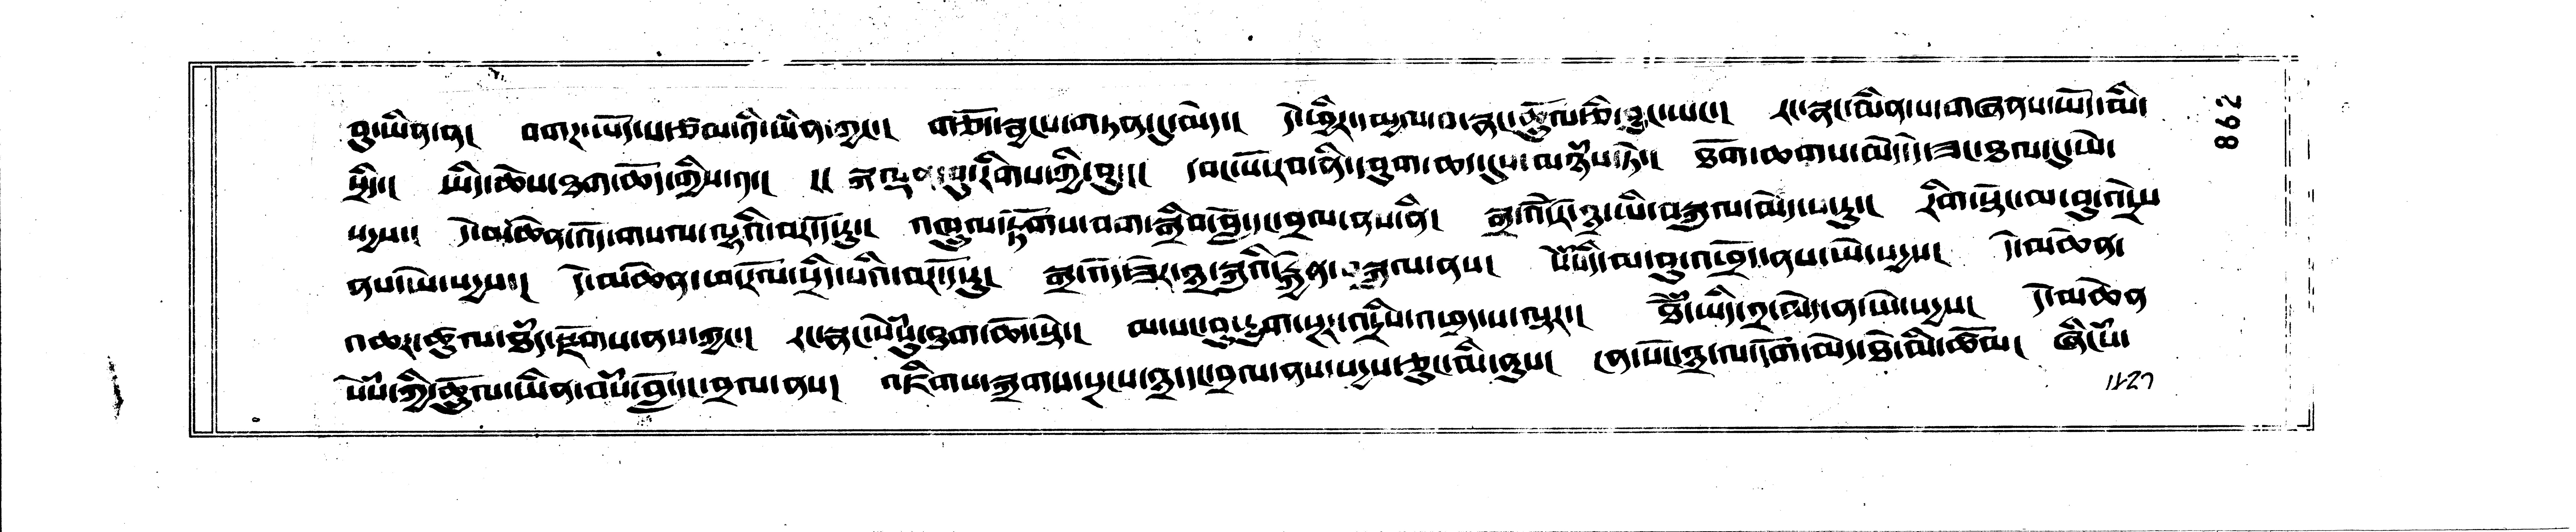བུ་ཡིན་ན། བག་ཆགས་ཡོད་པ་ཙམ་ཅིག་ཡིན་ཀྱང་། གཅོད་སྦྱོང་གཏན་དུ་མེད། དེ་ཕྱིར་དམྱལ་བ་སྣང་ཆོ་འཕྲུལ་ཅི་བྱུང་ཡང་། རང་སྣང་མེན་པ་གཞན་ན་ཡོད་མི་
སྲིད། ཡིད་ཆེས་ཐག་ཆོད་ཀྱིས་ཅིག སྐལ་ལྡན་བུ་རིགས་ཀྱི་བུ། དབང་པོ་རབ་ནི་དབུགས་ཆད་དུས་མཉམ་ཏེ། ཐོག་ཆགས་མེད་དེ་ཟང་ཐལ་དུ་ཡེ་སངས་
རྒྱས། དེ་མཆན་འོད་གསལ་ལྷའི་བར་དོ་རུ། འཁྲུལ་རྟོག་བག་སྒྲིབ་བློ་དང་བྲལ་ནས་ནི། སྒྲ་འོད་ཟེར་གསུམ་ཡི་བསྐུལ་མེད་པ་རུ། རིག་སྟོང་མ་བུ་འདྲེས་
ནས་ཡེ་སངས་རྒྱས། དེ་མཆན་ཕ་རོལ་སྲིད་པའི་བར་དོ་རུ། སྒྲ་འོད་ཟེར་གསུམ་སྐུའི་རྐྱེན་བསྐུལ་ནས། སེམས་ཉིད་མ་བུ་འཕྲོད་ནས་ཡེ་སངས་རྒྱས། དེ་མཆན་
འཆར་ཚུལ་ཐམས་ཅད་རྫོགས་ནས་ཀྱང་། རང་སྣང་སེམས་སུ་ཐག་ཆོད་སྟེ། མ་པང་བུ་རྒྱུག་སྔར་འདྲིས་འཕྲད་པ་ལྟར། ཐེ་ཚོམ་ཡིད་གཉིས་མེད་ན་ཡེ་སངས་རྒྱས། དེ་མཆན་
སེམས་ཀྱི་ཆོ་འཕྲུལ་ཡིན་བསམ་བློ་དང་བྲལ་ནས། འཇིགས་སྐྲག་སྔངས་གསུམ་དང་བྲལ་ནས་སངས་རྒྱས་ཅུང་མི་ནུས། ངན་སོང་གསུམ་ལ་དོགས་མེད་ཐེ་མི་ཚོམ། ཞིང་ཁམས་